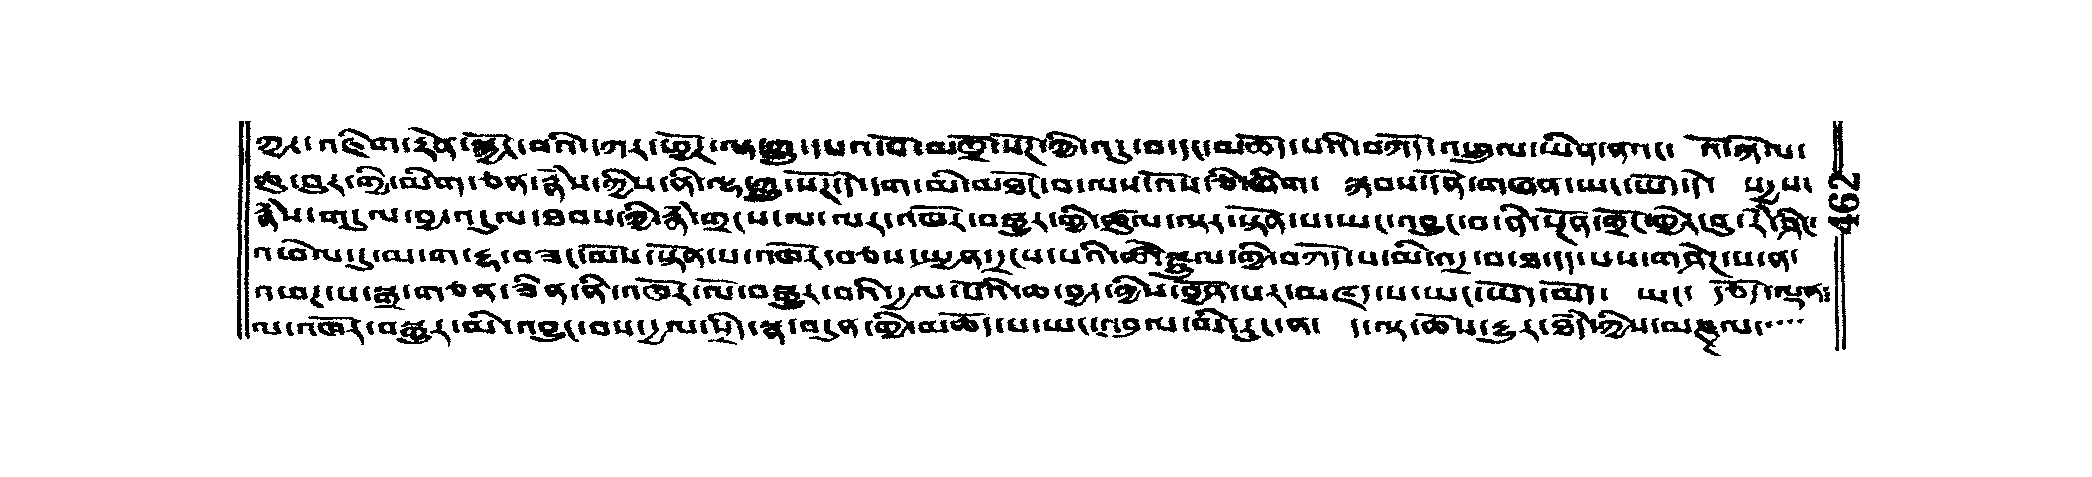ཀྱང་འཇིག་རྟེན་སྐྱོང་བའི་དཀར་ཕྱོགས་ལྷ་ཀླུ་དཔའ་བོ་མཁའ་འགྲོ་སོགས་ཀྱི་འདུ་བ་དང་མཆོད་པའི་བཀོད་འཕྲུལ་ཡིན་ནའང་། འོ་སྐོལ་
ཆུ་བུར་གྱི་མིག་ཅན་རྣམས་ཀྱིས་ནི་ལྷ་ཀླུ་སོགས་དེ་དག་མི་མཐོང་བ་ལས་འོས་ཅི་ཞིག སྐབས་དོན་གཞན་ཡང་ཡོད་དེ། སངས་རྒྱས་
རྣམས་གདུལ་བྱ་འདུལ་ཐབས་ཀྱི་རྣམ་གྲངས་ལ་ལར་འཁོར་བསྒྱུར་གྱི་ཚུལ་ལྟར་སྟོན་པ་ཡང་འབྱུང་བ་ནི་སྔོན་གྲོང་ཁྱེར་བུ་རམ་ཤིང་
འཕེལ་དུ་མ་ག་དྷ་བཟང་མོས་སྟོན་པ་འཁོར་བཅས་སྤྱན་དྲངས་པའི་ཚེ་རྫུ་འཕྲུལ་གྱི་བཀོད་པ་མི་འདྲ་བ་ཐ་དད་པས་གཤེགས་པ་ན།
འཕགས་པ་སྒྲ་གཅན་འཛིན་ནི་འཁོར་ལོ་བསྒྱུར་བའི་རྒྱལ་པོའི་ཆ་བྱད་ཀྱིས་བྱོན་པར་མཛད་པ་ཡང་ཡོད་མོད། ཡང་། རྩོད་ལྡན་
ལ་འཁོར་བསྒྱུར་མི་འབྱུང་བས་རྒྱལ་སྲིད་སྣ་བདུན་གྱི་མཆོད་པ་ཡང་འབུལ་མི་རུང་ན། ད་ལྟ་ཆོས་རྒྱུད་ཐམས་ཅད་ཀྱིས་མཎྜལ་